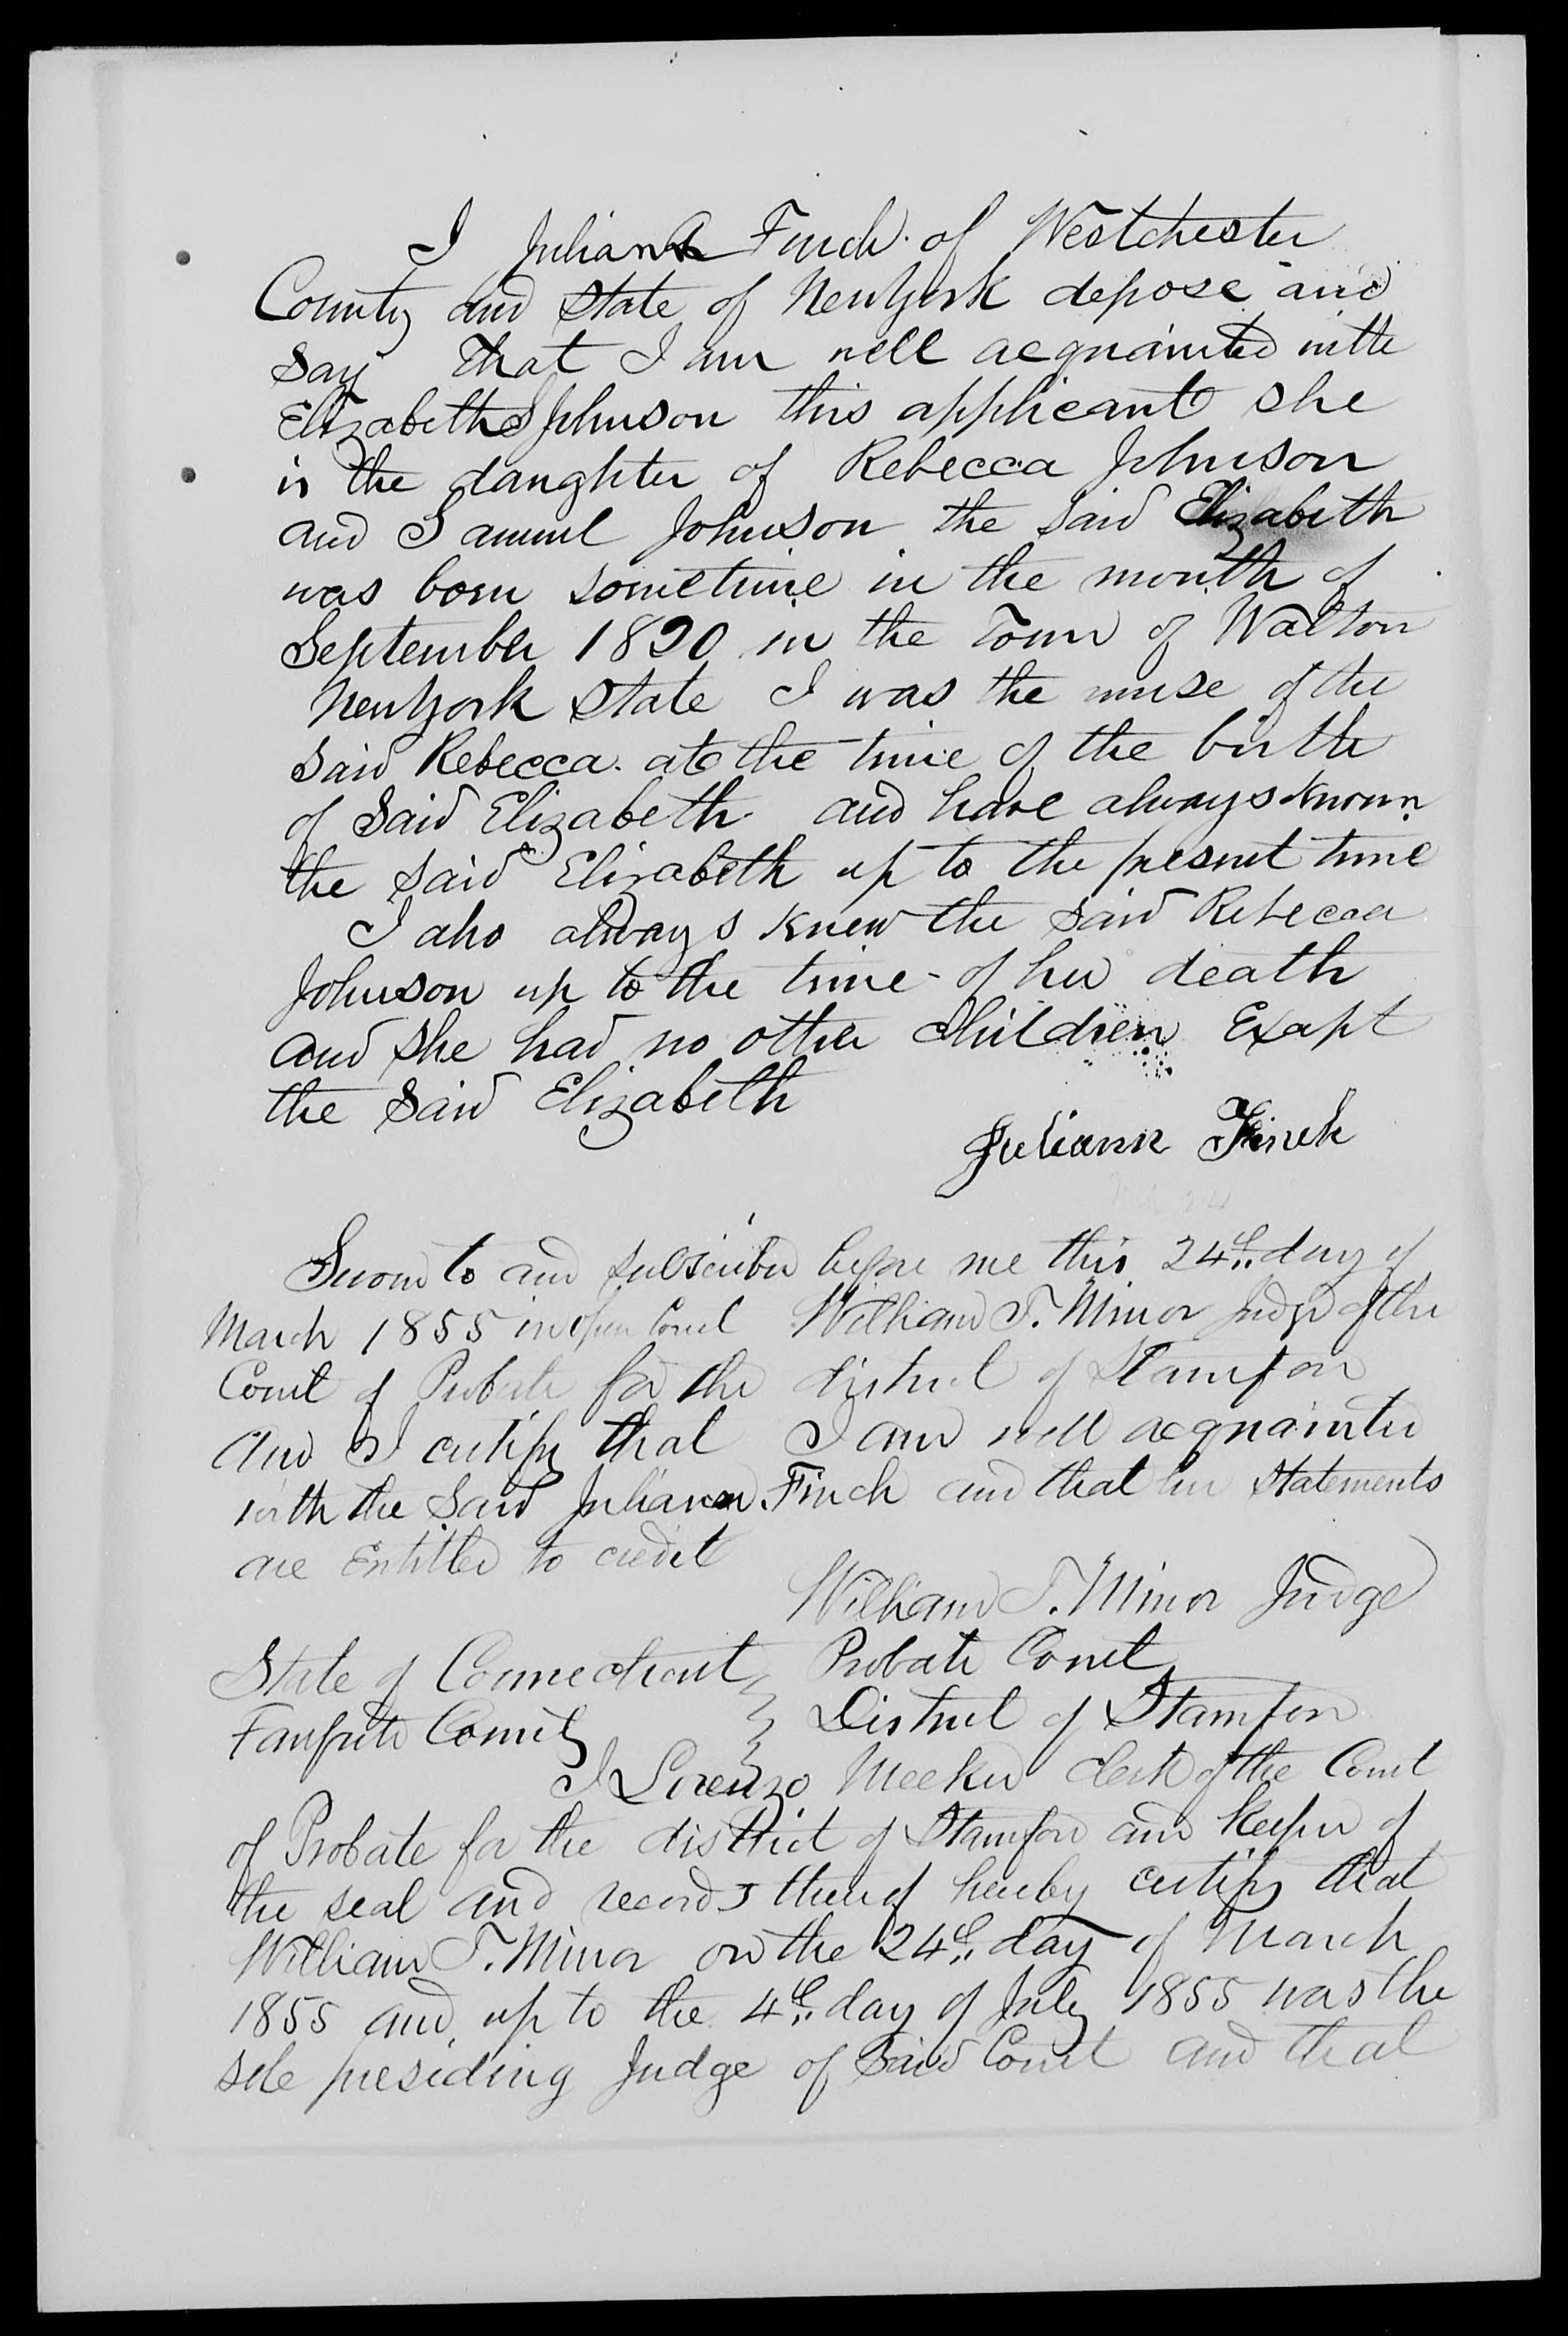I Juliann Finch of Westchester County and state of New York depose and say that I am well acquainted with Elizabeth S Johnson this applicant she is the daughter of Rebecca Johnson and Samuel Johnson the said Elizabeth was born sometime in the month of September 1820 in the Town of Walton New York state. I was the nurse of the said Rebecca at the time of the birth of said Elizabeth up to the present time. I also always knew the said Rebecca Johnson up to the time of her death and she had no other children except the said Elizabeth
Juliann Finch

Sworn to and subscribed before me this 24th day of March 1855 in open court William T. Minor Judge of the Court of Probate for the district of Stamford and I certify that I am well acquainted with the said Juliann Finch and that her statements are entitled to credit
William T. Minor Judge

State of Connecticut Fairfield County Probate Court District of Stamford

I Lorenzo Meeker clerk of the Court of Probate for the district of Stamford and keeper of the seal and records thereof hereby certify that William T. Minor on the 24th day of March 1855 and up to the 4th day of July 1855 was the sole presiding Judge of said Court and that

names: William T Minor; Juliann Finch; Samuel Johnson; Rebecca Johnson; Elizabeth Johnson; Lorenzo Meeker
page: 5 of 43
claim: rejected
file: R. 5655, for Samuel Johnson, Connecticut